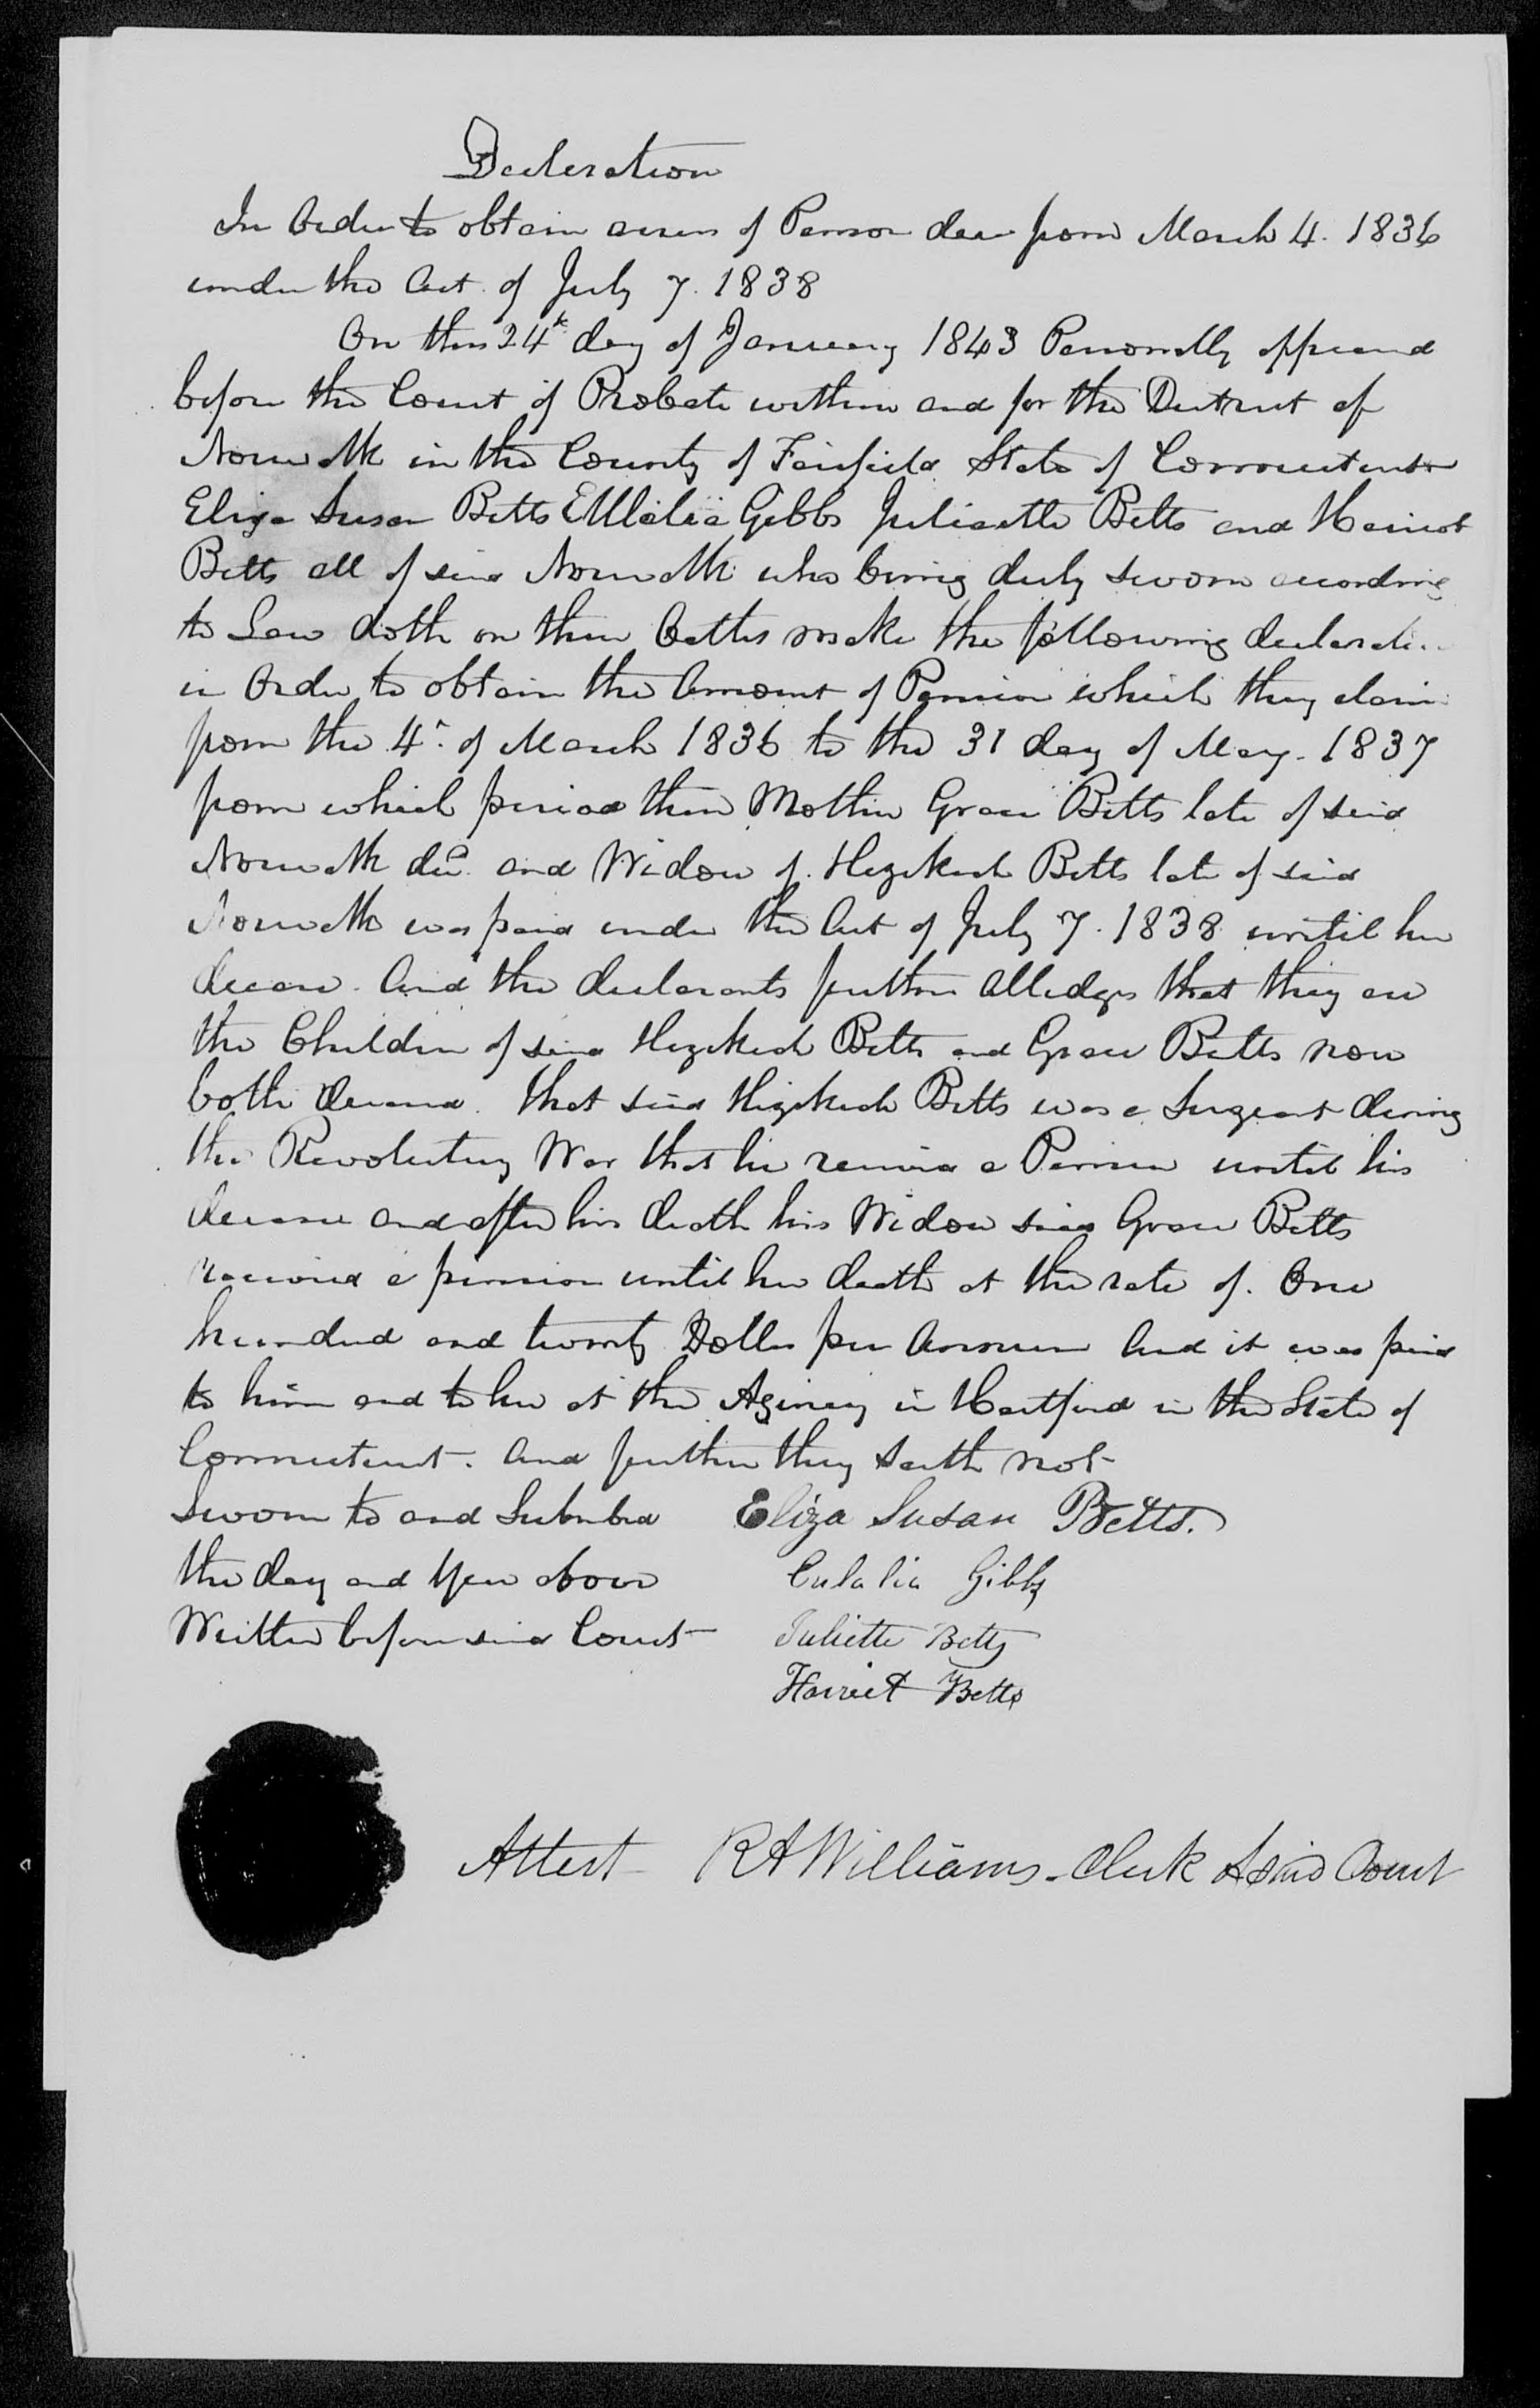Declaration
In order to obtain arrears of Pension due from March 4, 1836 under the act of July 7, 1838
On this 24th day of January 1843 personally appeared before the Court of Probate within and for the District of Norwalk in the County of Fairfield State of Connecticut Eliza Susan Betts, Eulalia Gibbs, Juliette Betts and Harriet Betts all of said Norwalk who being sworn according to Law doth on their oaths make the following declaration in order to obtain the amount of pension which they claim from the 4th of March 1836 to the 31 day of May 1937 from which period their mother Grace Betts late of said Norwalk decd and widow of Hezekiah Betts late of said Norwalk was paid under the act of July 7, 1838 until her decease and the declarants further alleges that they are the children of said Hezekiah Betts and Grace Betts now both deceased, that said Hezekiah Betts was a Sergeant during the Revolutionary War that he received a pension until his deceased and after his death his widow said Grace Betts received a pension until her death at the rate of one hundred and twenty dollars per annum and it was paid to him and to her at the Agency in Hartford in the State of Connecticut, and further they saith not.
Eliza Susan Betts
Eulalia Gibbs
Juliette Betts
Harriet Betts
Sworn to and subscribed the day and year above written before said Court.
attest R. A. Williams Clerk of said Court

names: R A Williams, Herriet Betts, Hezekiah Betts, Juliette Betts, Grace Betts, Juliaette Betts, Eliza Susan Betts, Harriet Betts, Eliza Susan Betts, Eulalia Gibbs, Hezekiah Betts, Grace Betts, Eulalia Gibbs, Hezekiah Betts, Grace Betts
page: 17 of 61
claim: widow's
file: W. 29,929, Hezekiah Betts, Conn.